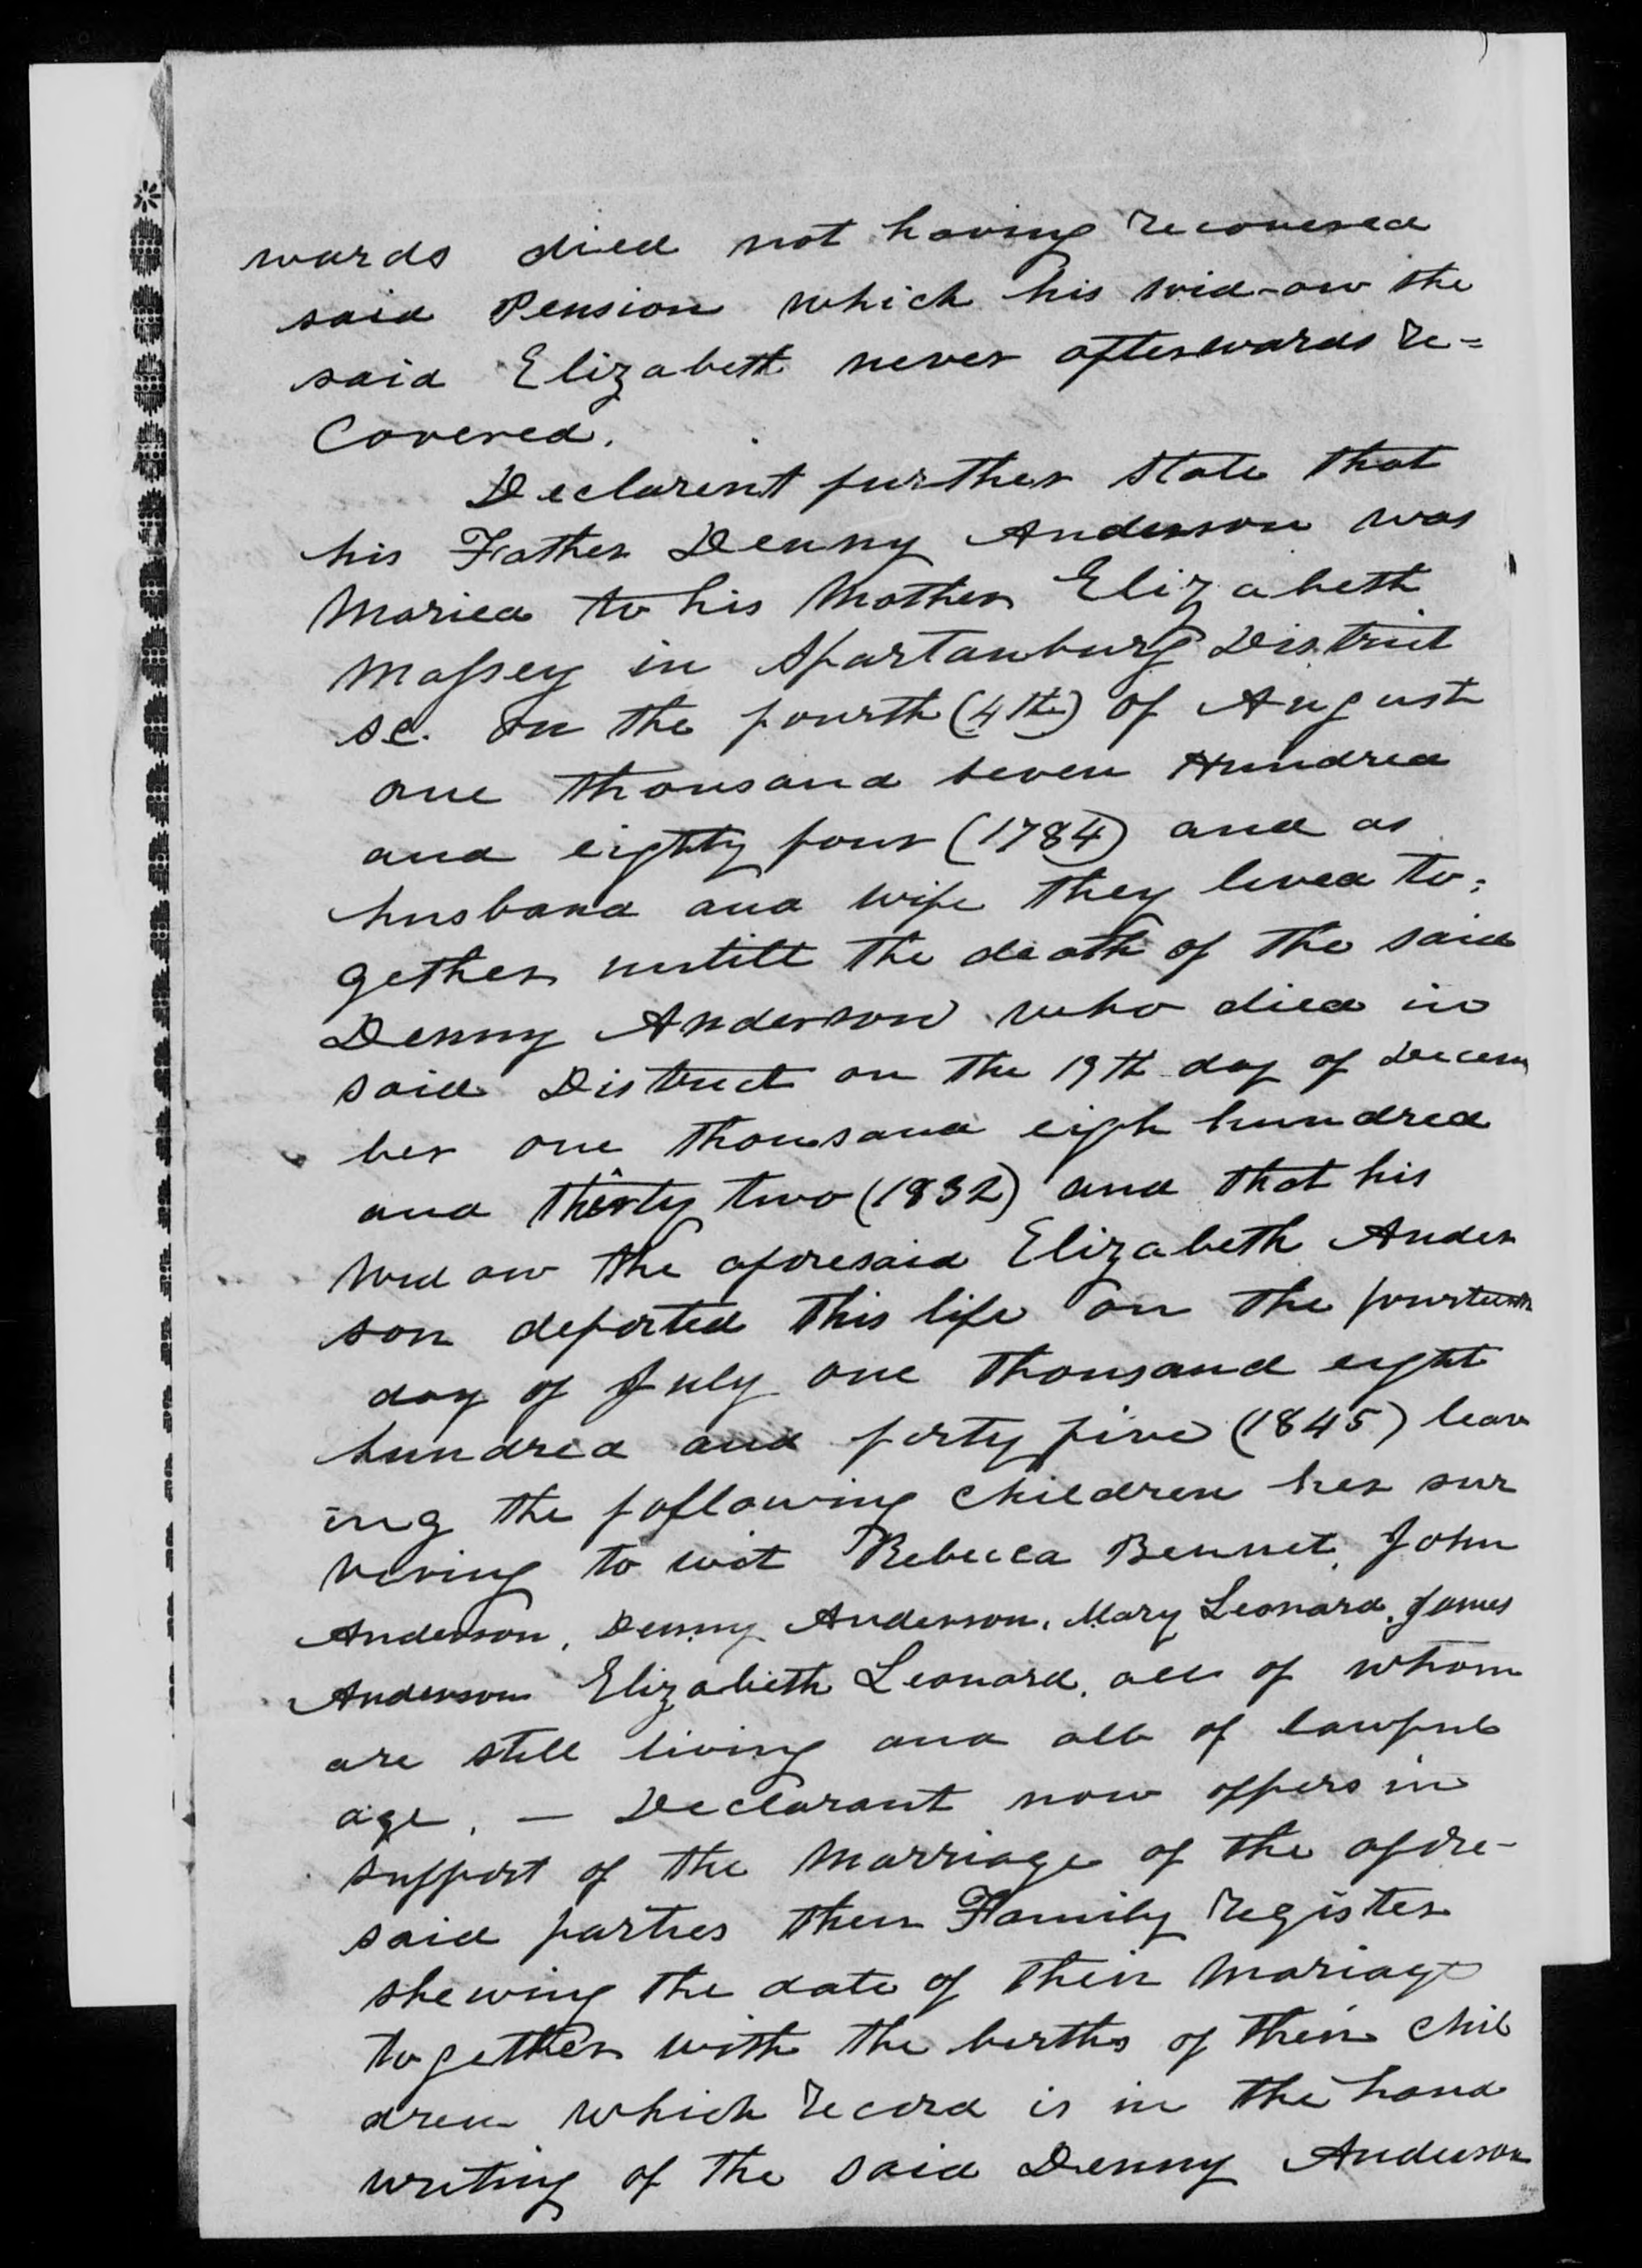[after]wards died not having recovered said pension which his widow the said Elizabeth never afterwards recovered.
Declarint further state that his Father Denny Anderson was married to his Mother Elizabeth Massey in Spartanburg District S.C. on the fourth (4th) of August one thousand seven Hundred and eighty four (1784) and as husband and wife they lived together untill the death of the said Denny Anderson who died in said District on the 19th day of December one thousand eight hundred and thirty two (1832) and that his widow the aforesaid Elizabeth Anderson departed this life on the fourteen day of July one thousand eight hundred and forty five (1845) leaving the following children her surviving to wit Rebecca Bennet, John Anderson, Denny Anderson, Mary Leonard, James Anderson Elizabeth Leonard, all of whom are still living and all of lawful age. Declarant now offers in support of the marriage of the aforesaid parties their family register shewing the date of their marriage together with the births of their children which record is in the handwriting of the said Denny Anderson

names: Elizabeth, Denny Anderson, Denny Anderson, Elizabeth Anderson, John Anderson, James Anderson, Elizabeth Massey, Elizabeth Leonard, Rebecca Bennet, Mary Leonard, Denny Anderson, Denny Anderson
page: 13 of 51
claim: widow's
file: W. 9700, Denney Anderson, S.C.